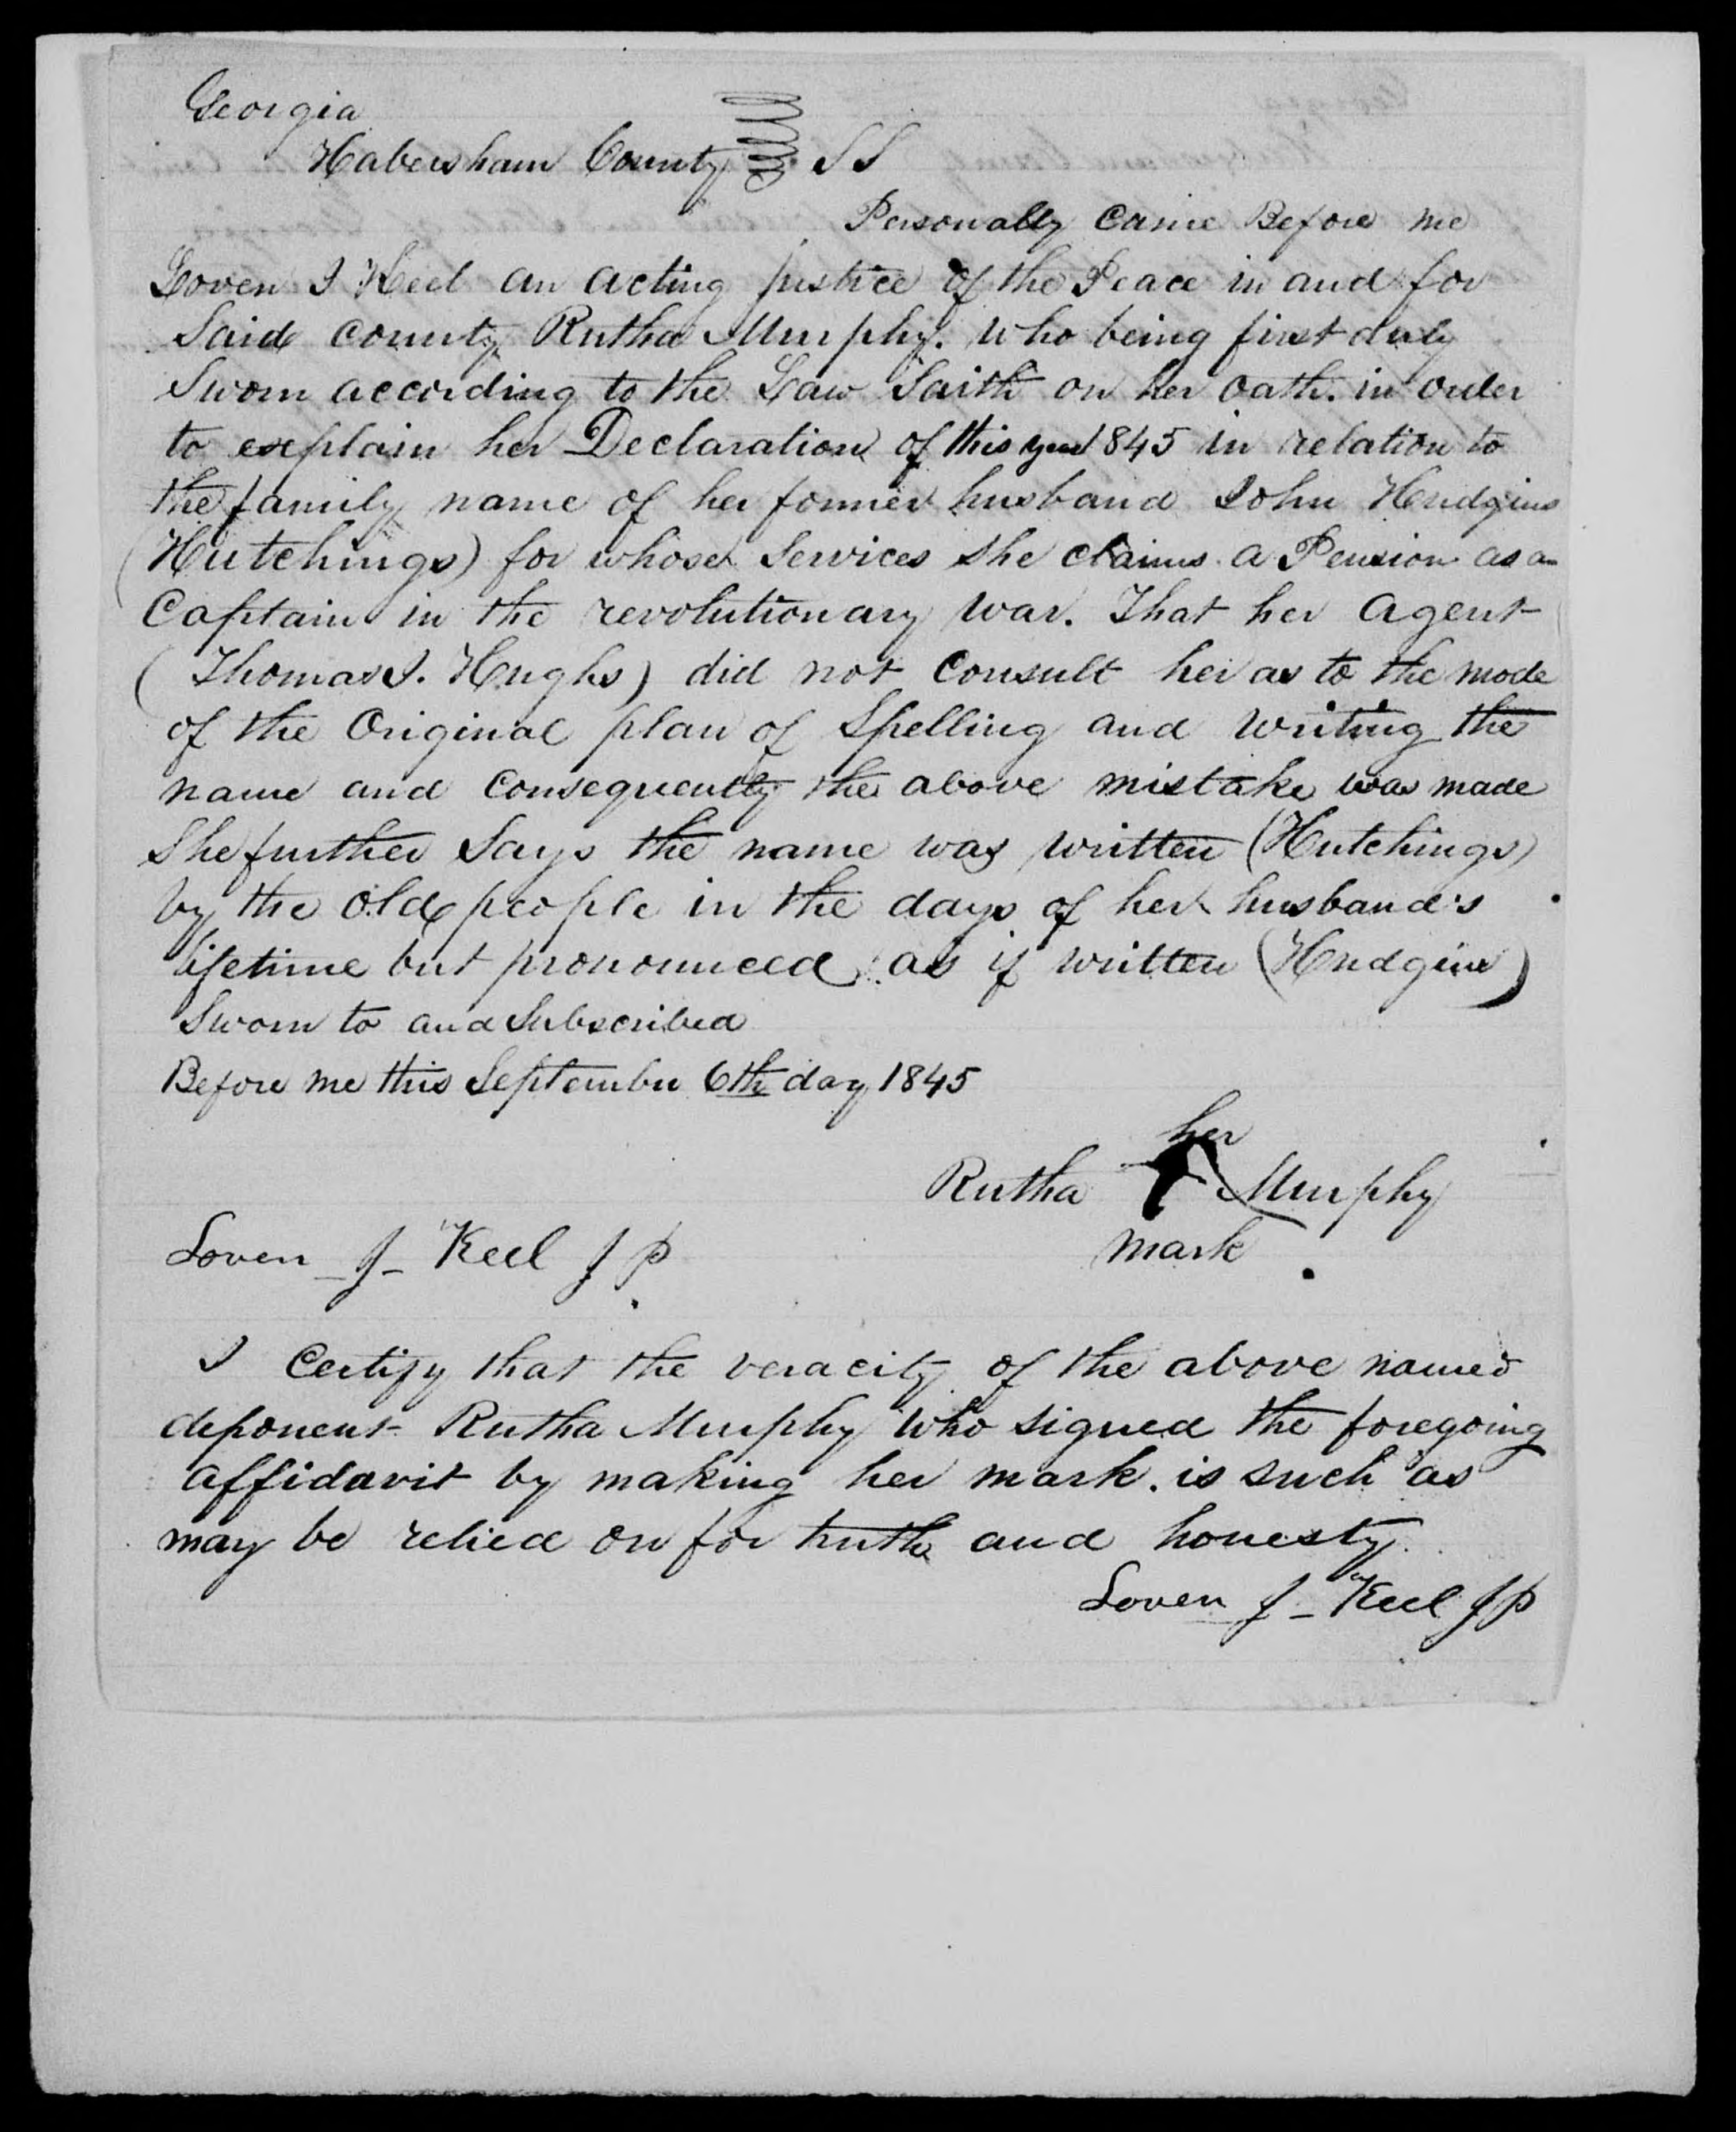Georgia
Wabeshaw County (vertical squiggle line) SS

Personally came before me Loven J Heel an acting Justice of the Peace in and for said county Ruther Murphy, who being first duty sworn according to the Law smith on her oath in order to explain her Declaration of this year 1845 in relation to the family name of her former husband John Hudgins (Hutchings) for whose services she claims a pension as a Captain in the revolutionary war. That her Agent (Thomas J. Hughs) did not consult her as to the mode of the original plan of spelling and writing the name and consequently the above mistake was made. She further says the name was written (Hutchings) by the old people in the days of her husband’s lifetime but pronounced as if written (Hudgins).
Sworn to and Subscribed 
Before me this September 6th day 1845
Ruth’s Murphy (signed with an X and stated as her mark)

Loven J. Heel JP
I certify that the veracity of the above name deponent Rutha Murphy who signed the foregoing affidavit by making her mark is such as may be relied on for truth and honesty
Loven J. Heel JP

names: John Hutchings, Rutha Murphy, Thomas J Hughs, John Hudgins, Loven J Heel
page: 7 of 108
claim: rejected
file: R. 7,515, John Hudgins, N.C.